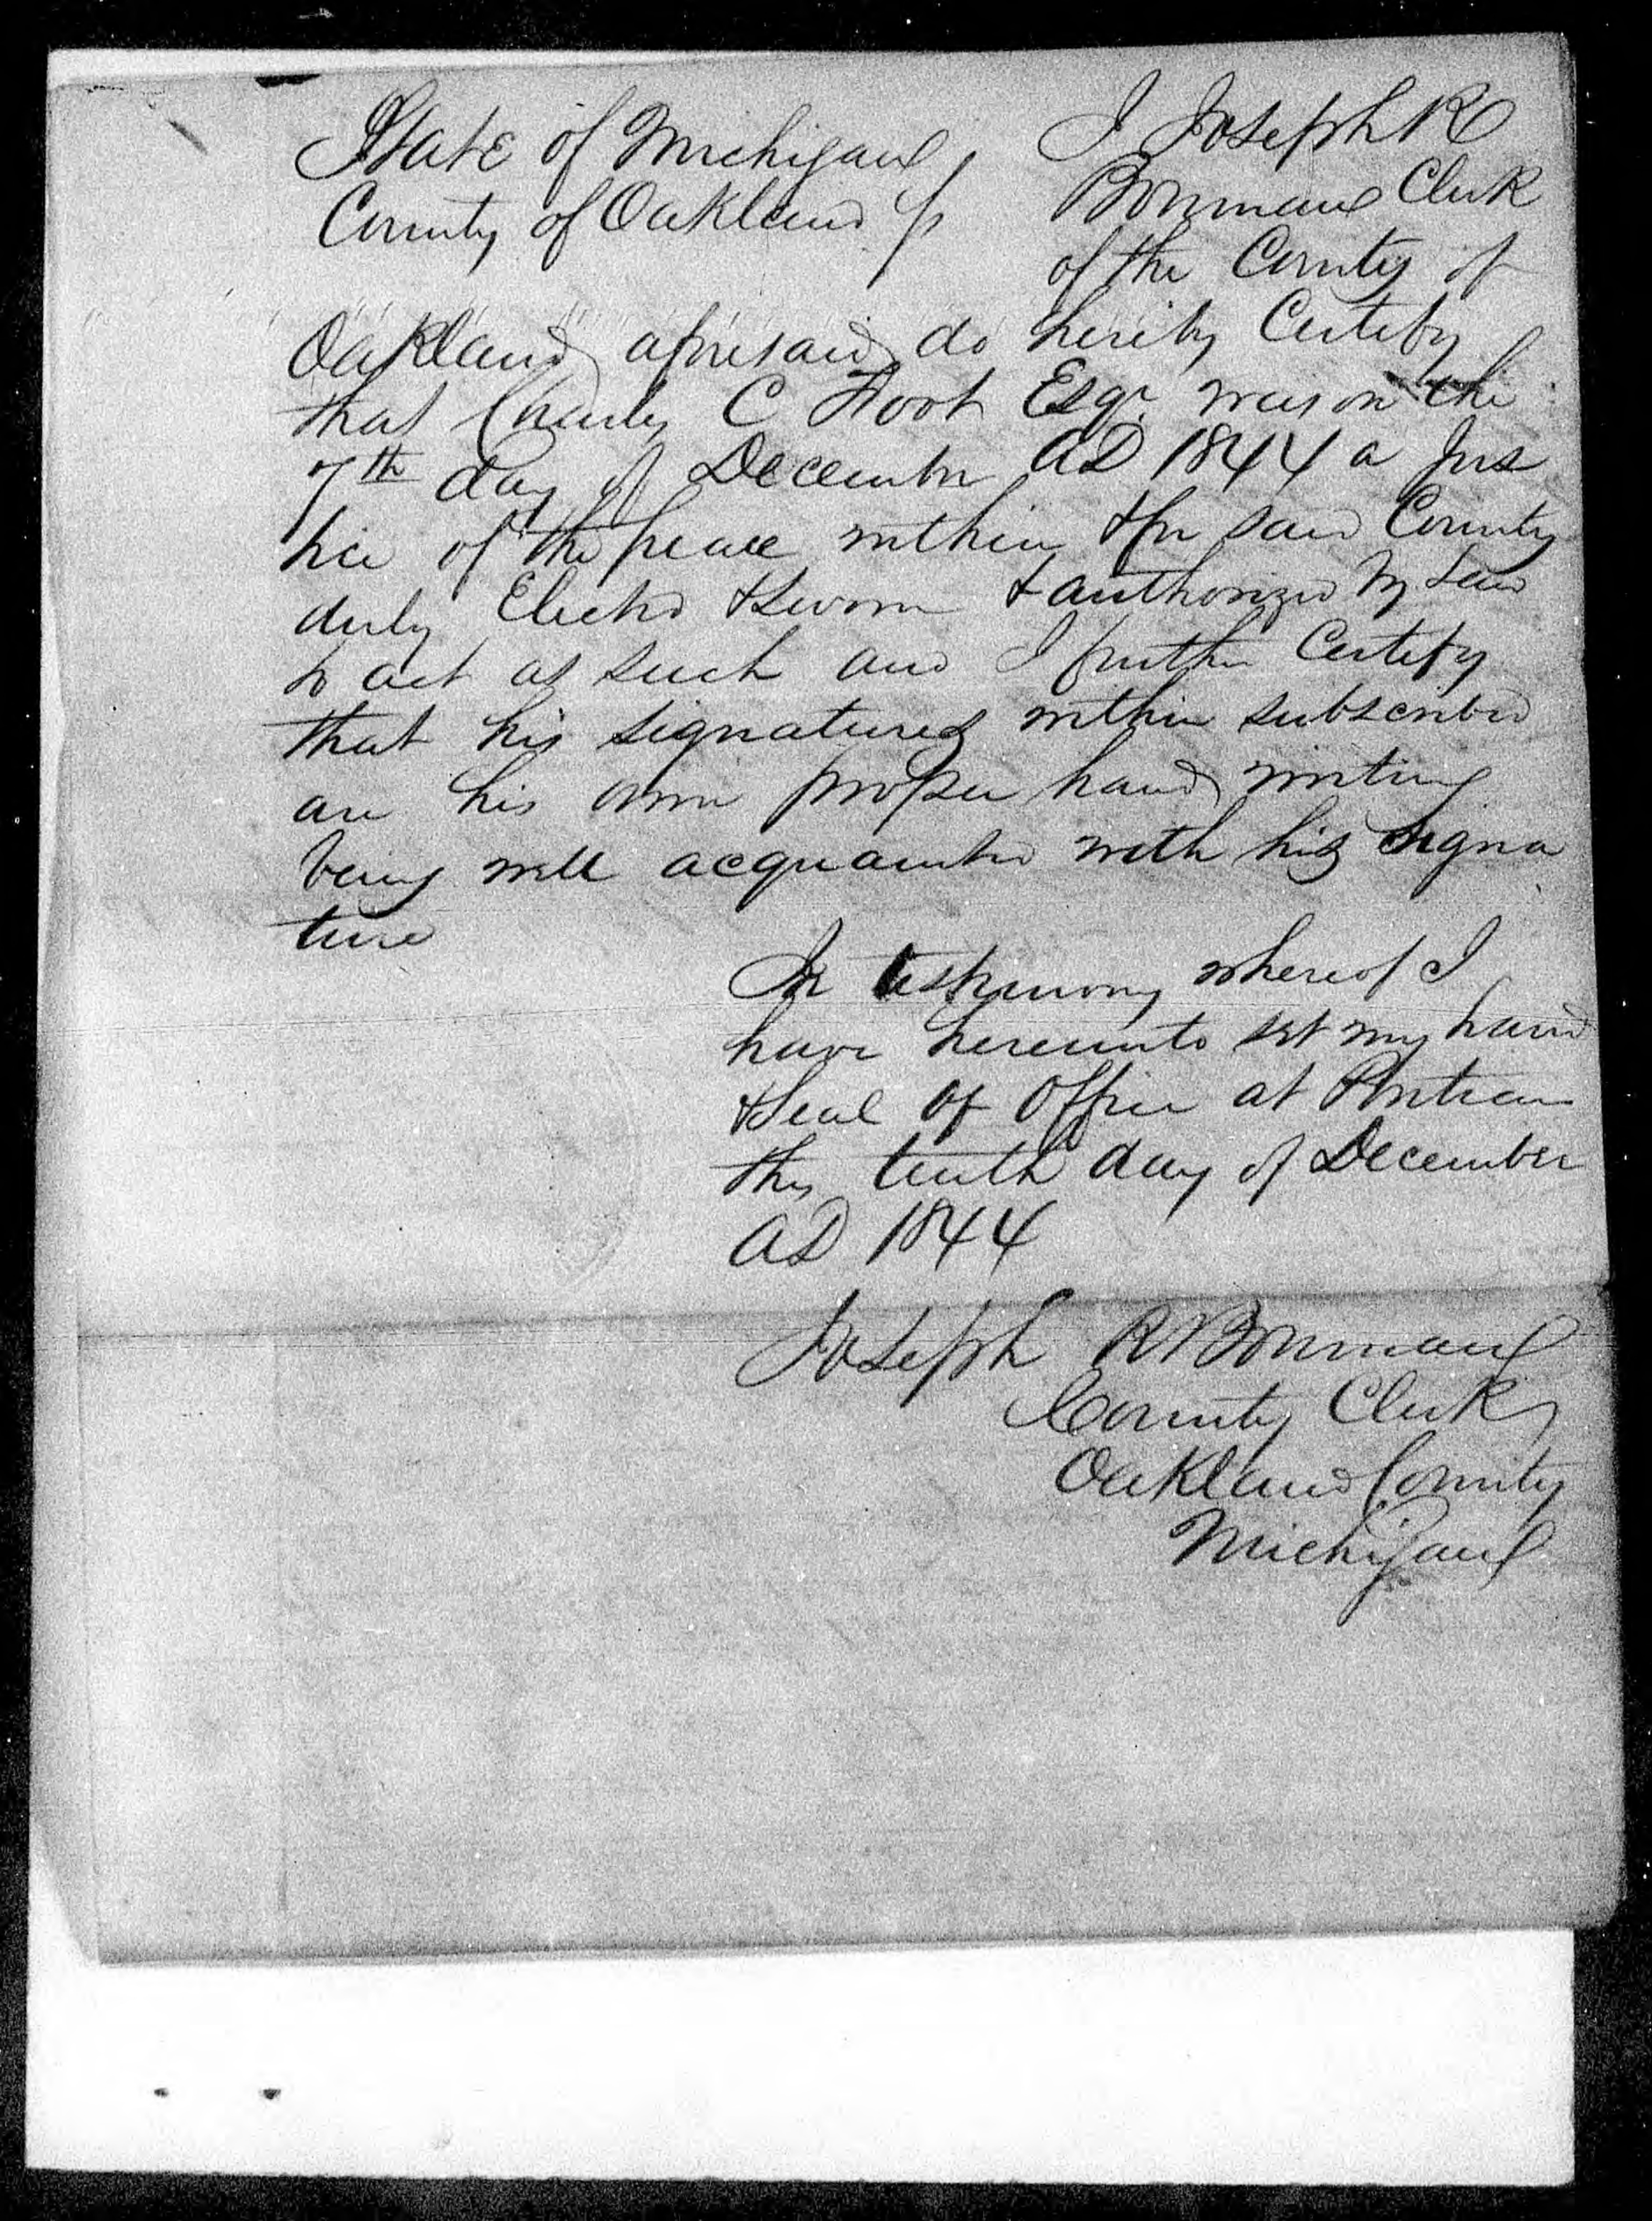State of Michigan
County of Oakland ss

I Joseph R Bowman Clerk of the County of Oakland aforesaid do hereby certify that Charles C Foot Esq was on the 7th day of December AD 1844 a Justice of the Peace within the said county duly [illegilbe] sworn & authorized by the act as such and I further certify that his signatures within subscribed and his own proper handwriting very well acquainted with his signature

In testimony whereof I have hereunto set my hand & seal of office at Pontiac this tenth day of December AD 1844

Joseph R  Bowman  County Clerk Oakland County Michigan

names: Joseph R Bowman, Charles C Foot, Joseph R Bowman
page: 10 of 66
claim: rejected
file: R. 4298, Samuel Gregory, New York